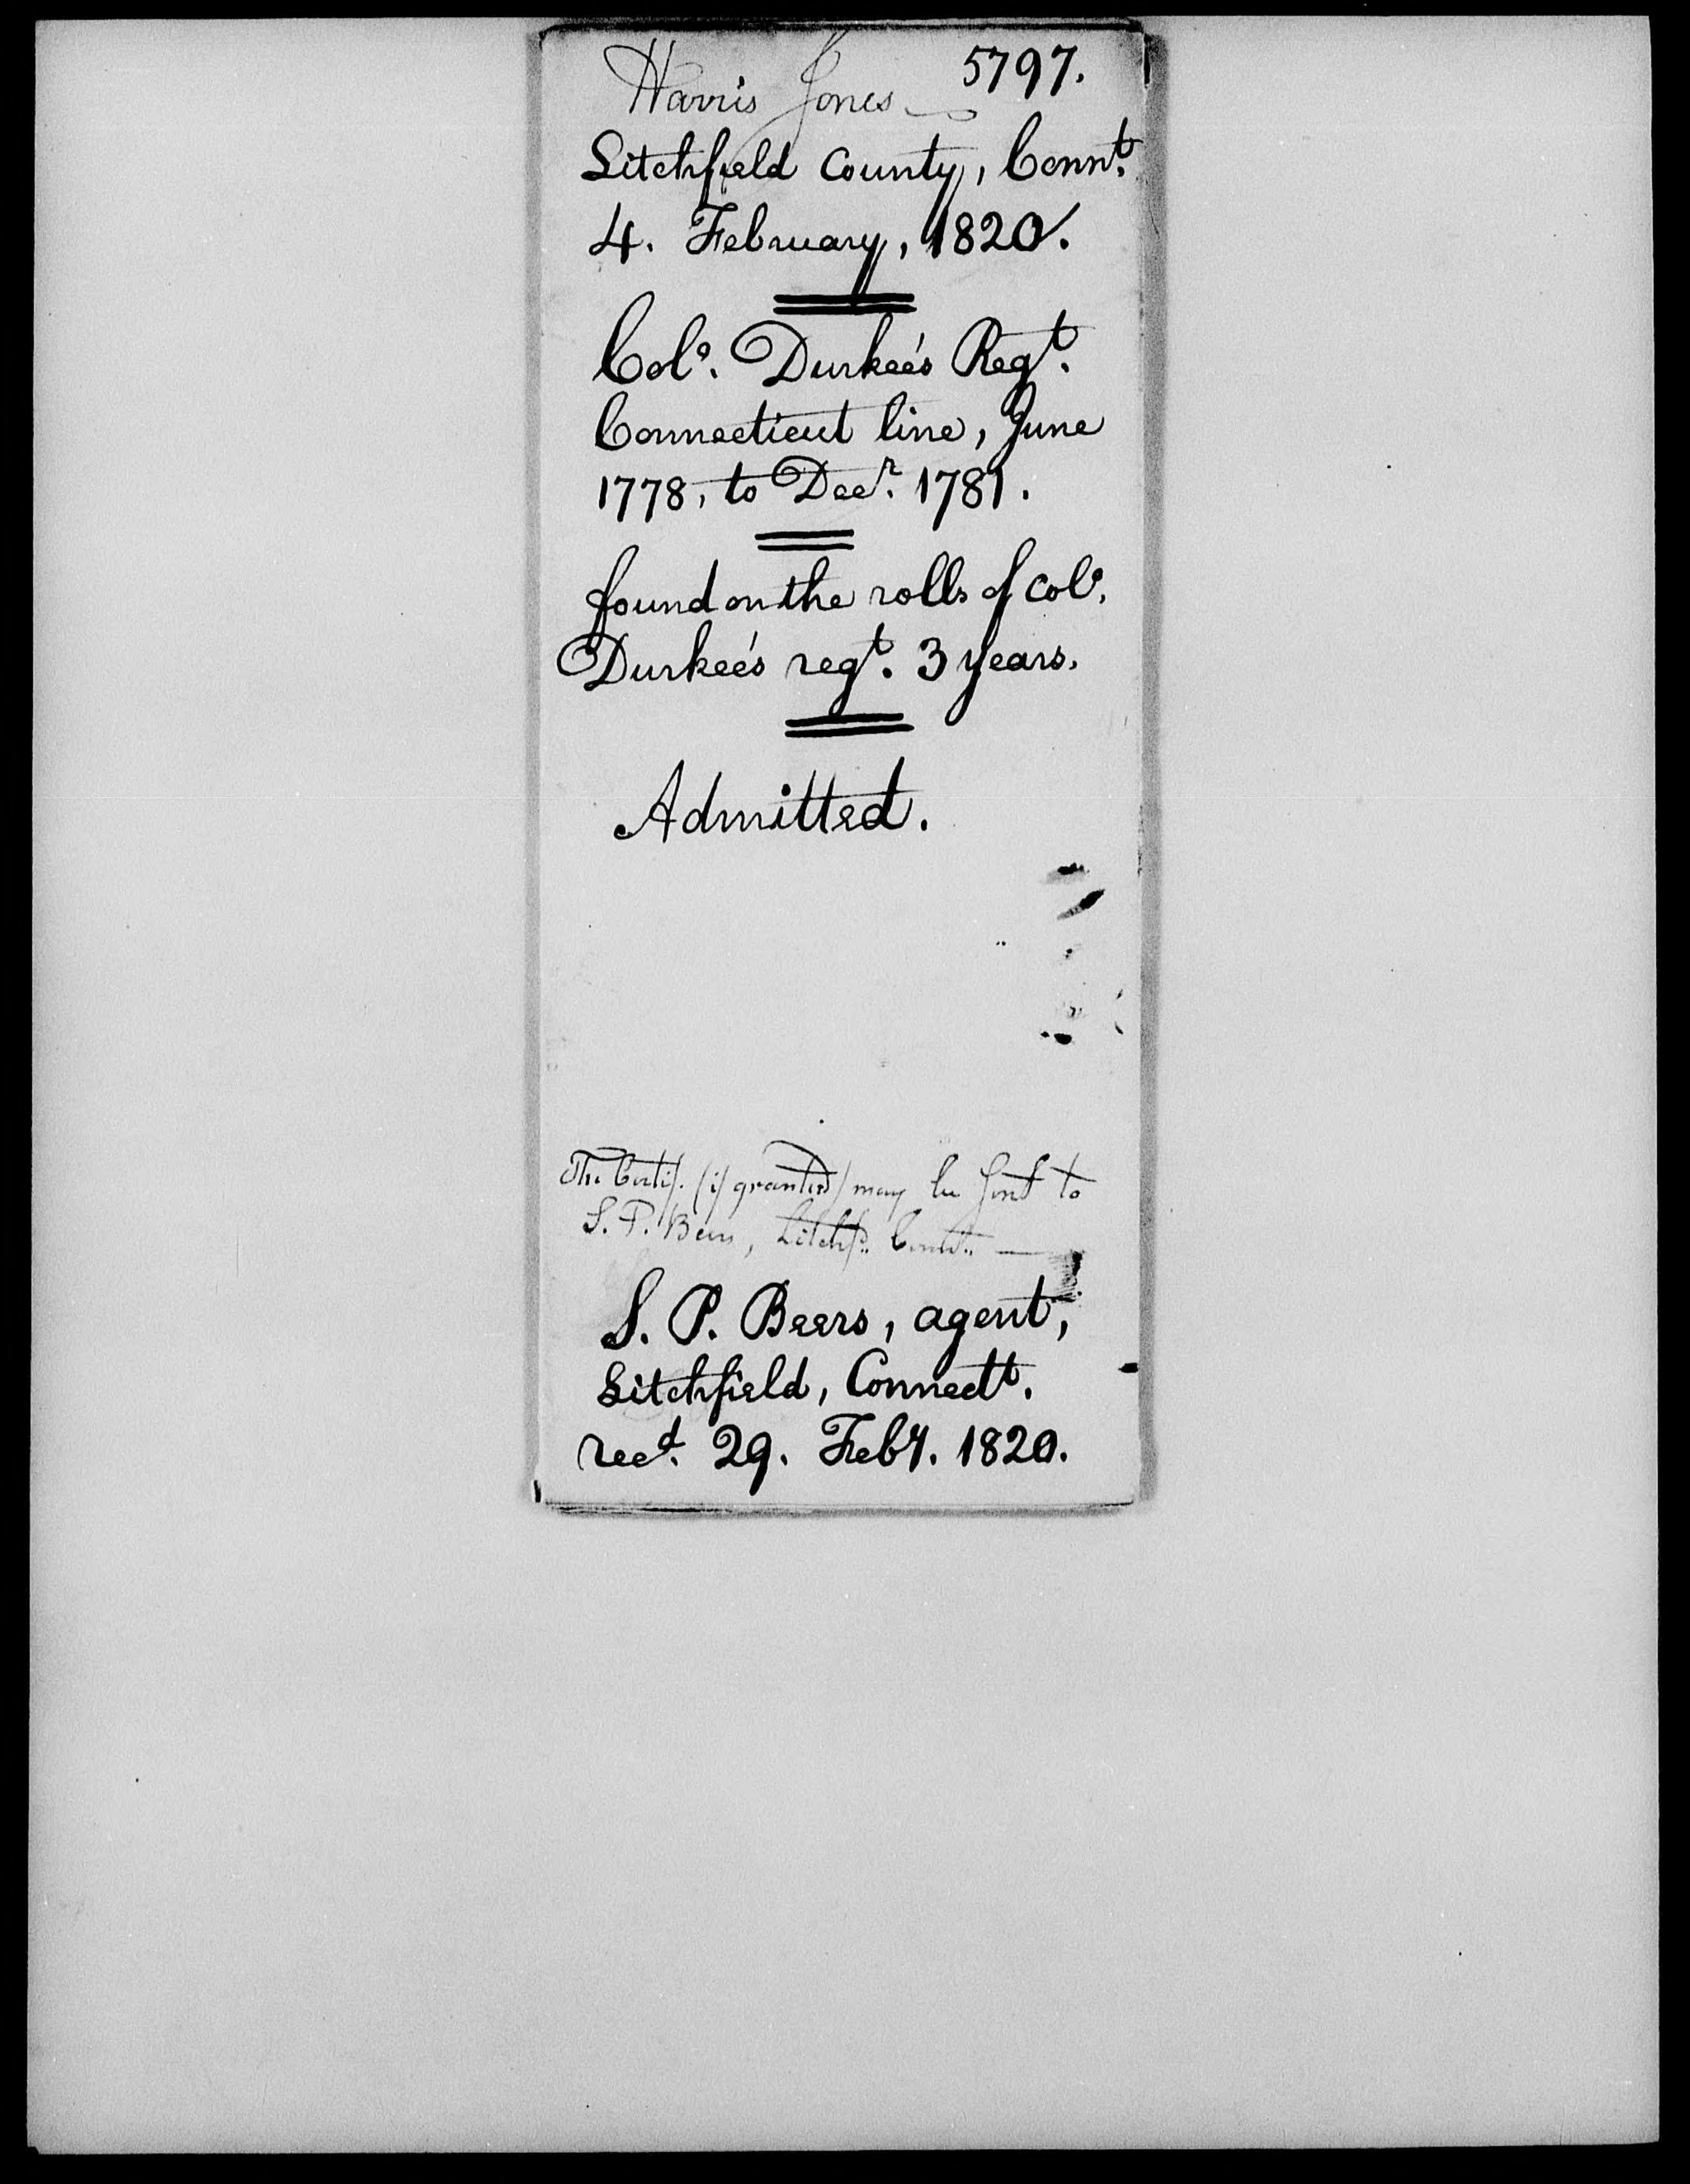5797,
Harris Jones
Litchfield County, Connt.
4. February, 1820.
=
Col. Durkee's Regt.
Connecticut line, June 1778, to Decr. 1781.
--
found on the rolls of Col. Durkee's Regt. 3 years,
--
Admitted.
The Certif. (if granted) may be sent to
S. P. Beers, Litch.. Connt.. -
S. P. Beers, agent,
Litchfield, Connectt.
Recd. 29. Feby. 1820.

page: 7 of 11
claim: survivor's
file: S. 36655, for Harris Jones, Connecticut